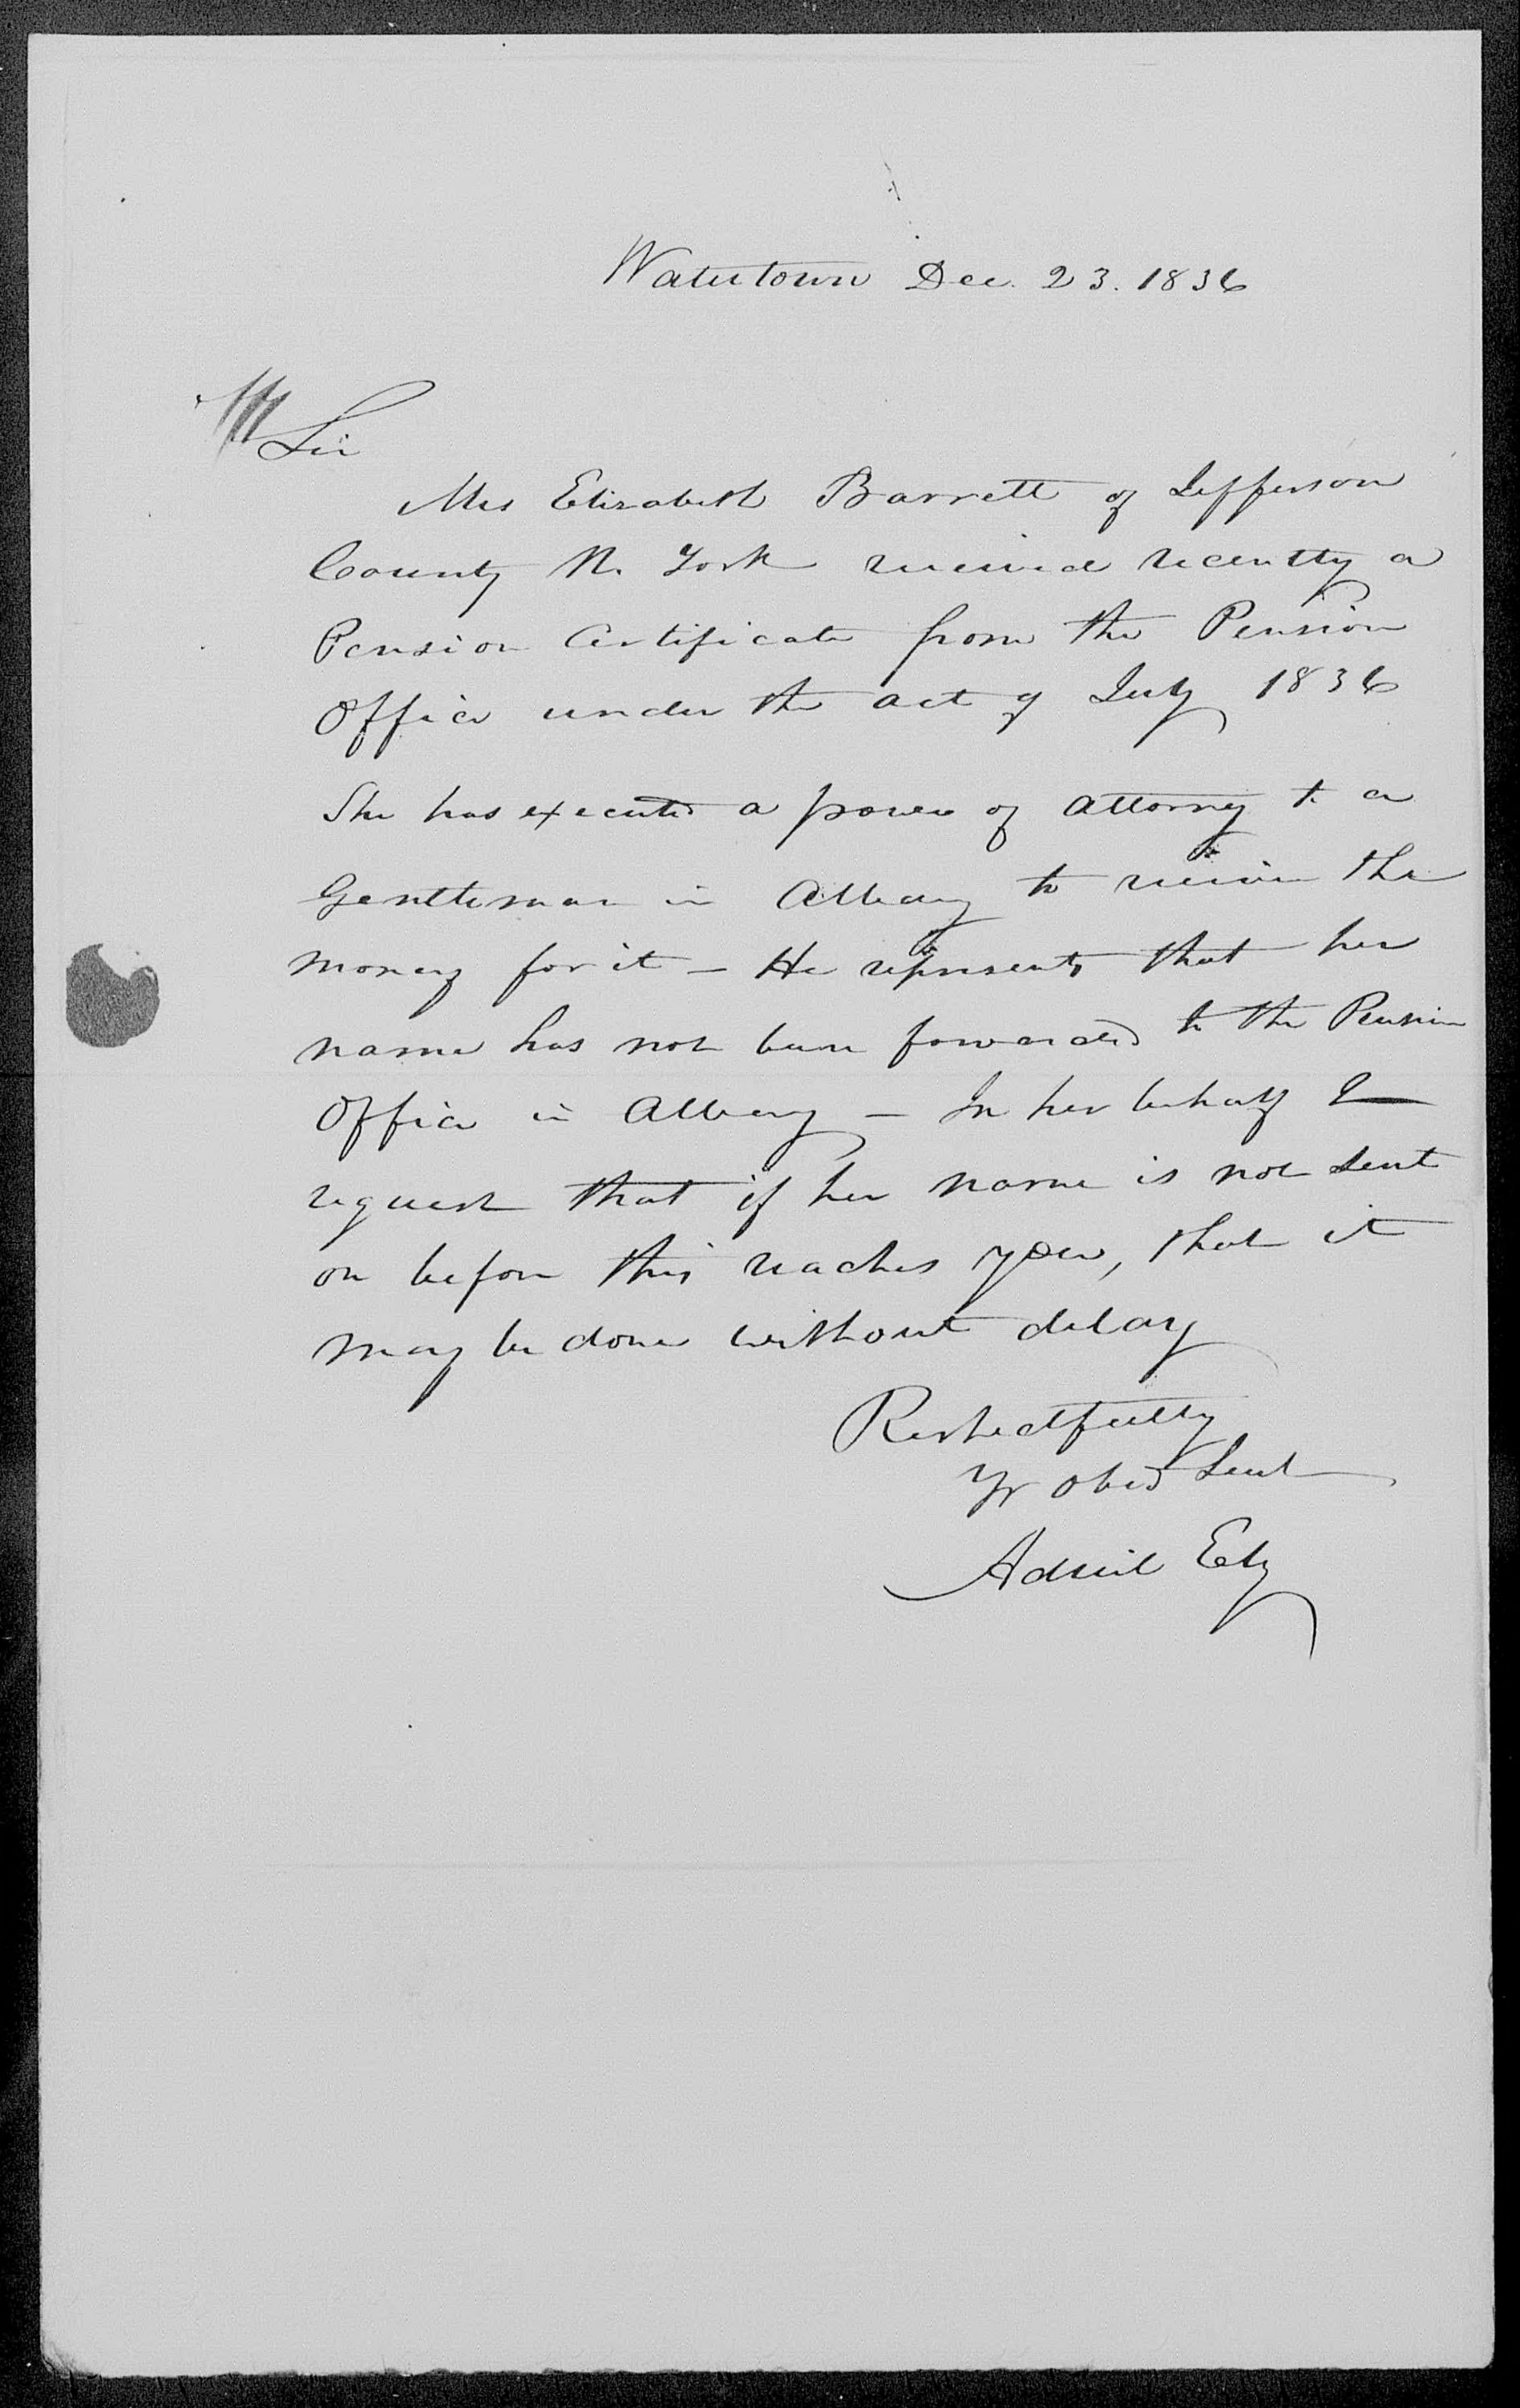Watertown Dec 23 1836

Sir, 
Mrs. Elizabeth Barrett of Jefferson County N. York received recently a pension certificate from the pension office under the act of July 1836.
She has executed a power of attorney to a gentleman in Albany to receive the money for it. He represents that her name has not been forwarded to the pension office in Albany. In her behalf I request that if her name is not sent on before this reaches you, that it may be done without delay.
Respectfully
Yr Obed Sevt
Adriel Esq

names: Adriel Eby, Elisabeth Barrett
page: 65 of 83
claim: widow's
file: W. 10,384, Oliver Barrett, Continental (Vt.) N.Y.